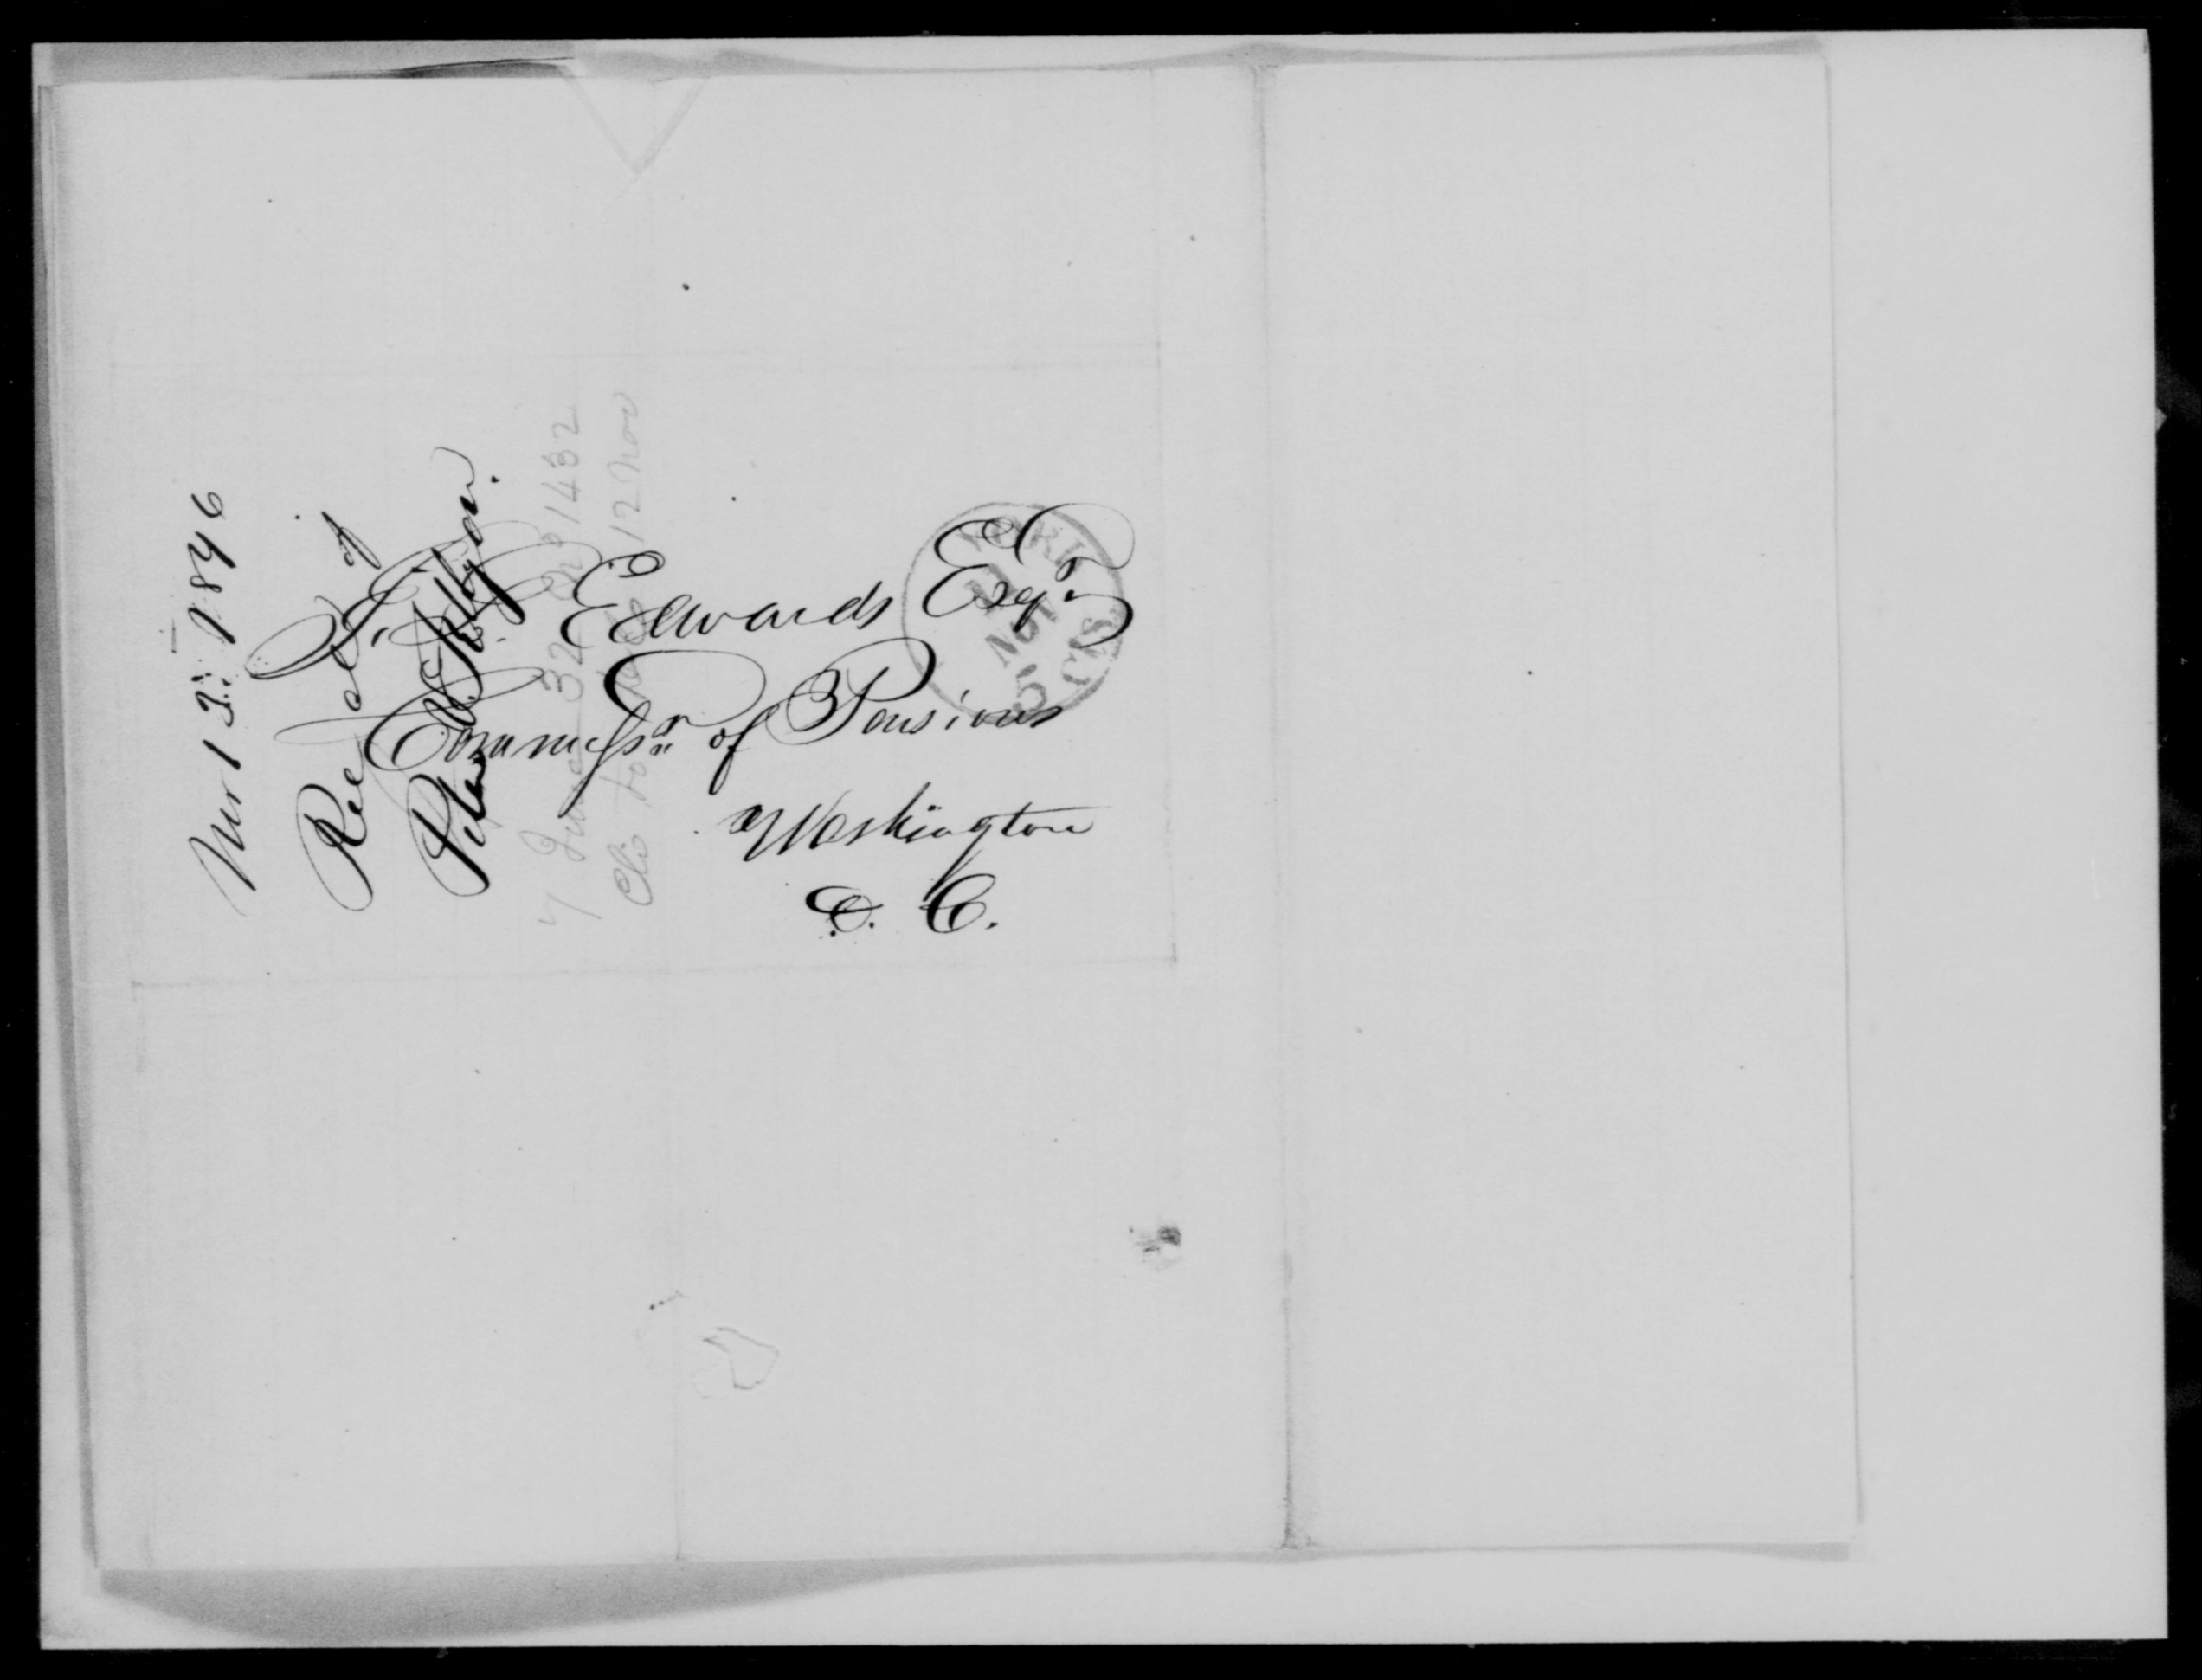J.L. Edwards
Commissr of Pensions
Washington D.C.

[on side] 
Nov 13, 1846
Rec al of Peter V. Tilyou
 7 June '32 No 1432
[illegible words] 12 Nov

[postal mark] YORK  13 NOV 5 cts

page: 69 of 101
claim: widow's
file: W. 25481, for Peter V Tilyou, New Jersey